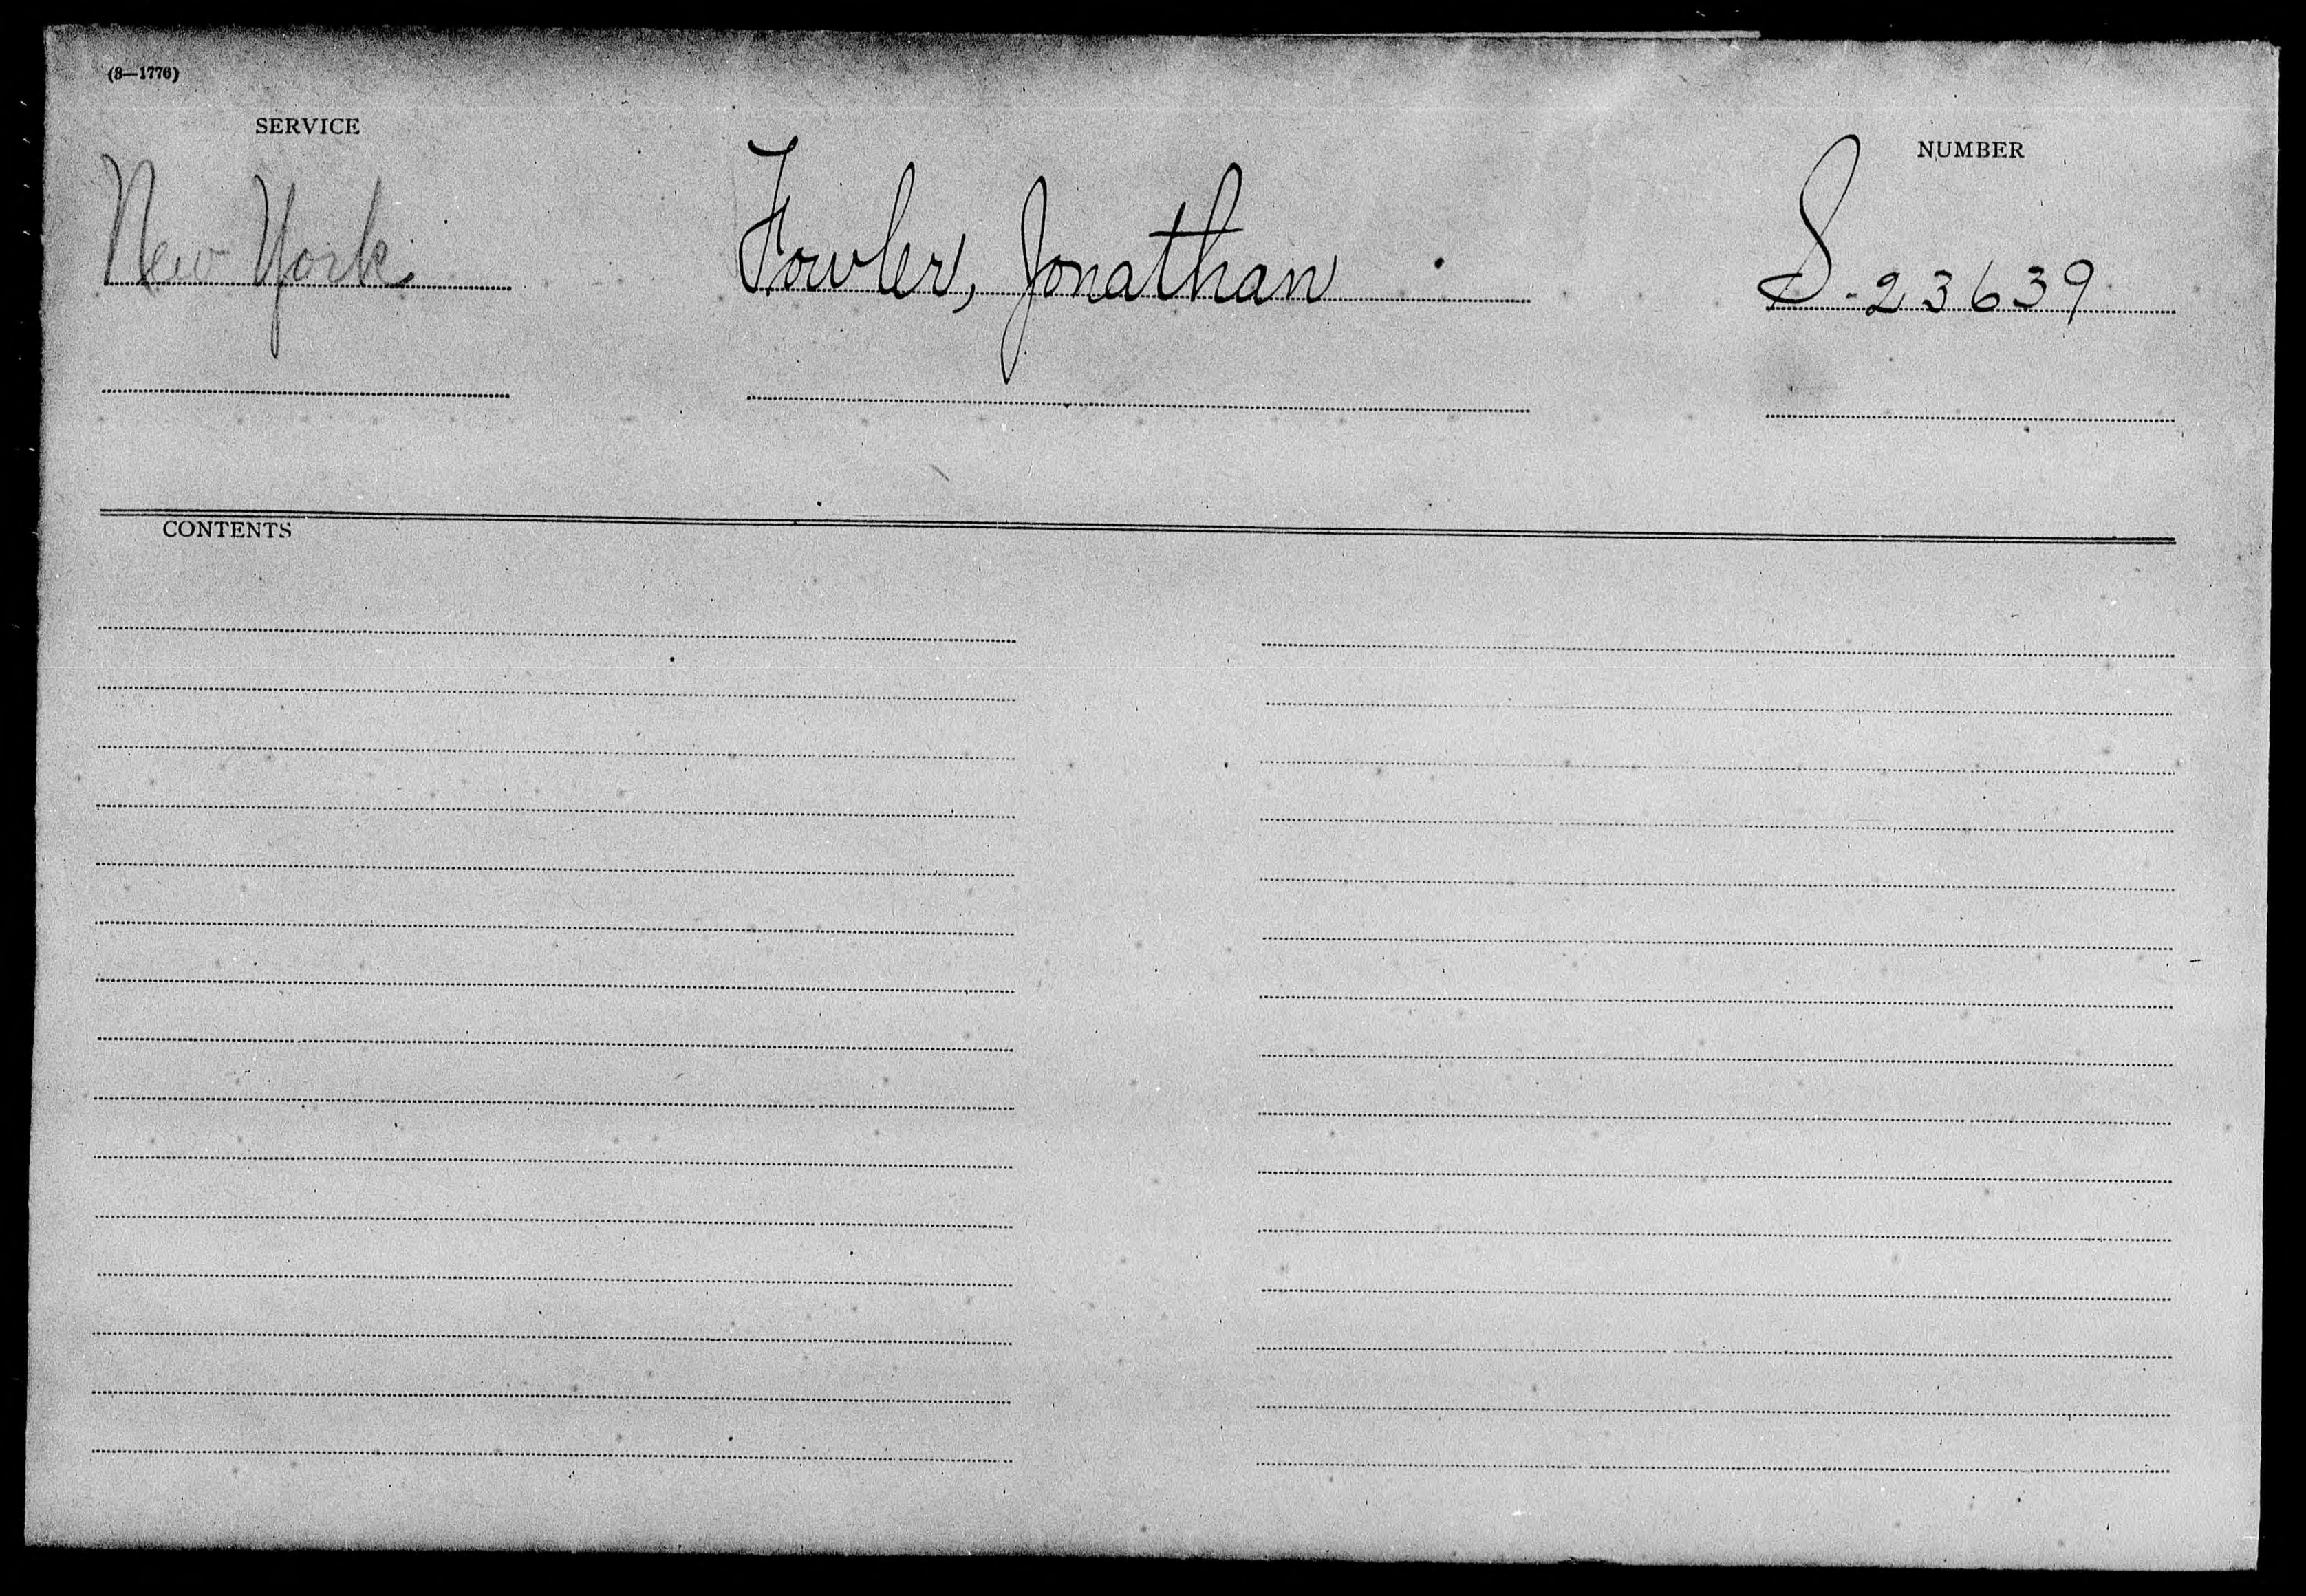(8-1776)

SERVICE
New York

Fowler, Jonathan

NUMBER
S-23639

CONTENTS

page: 1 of 44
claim: survivor's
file: S. 23639, Jonathan Fowler, New York